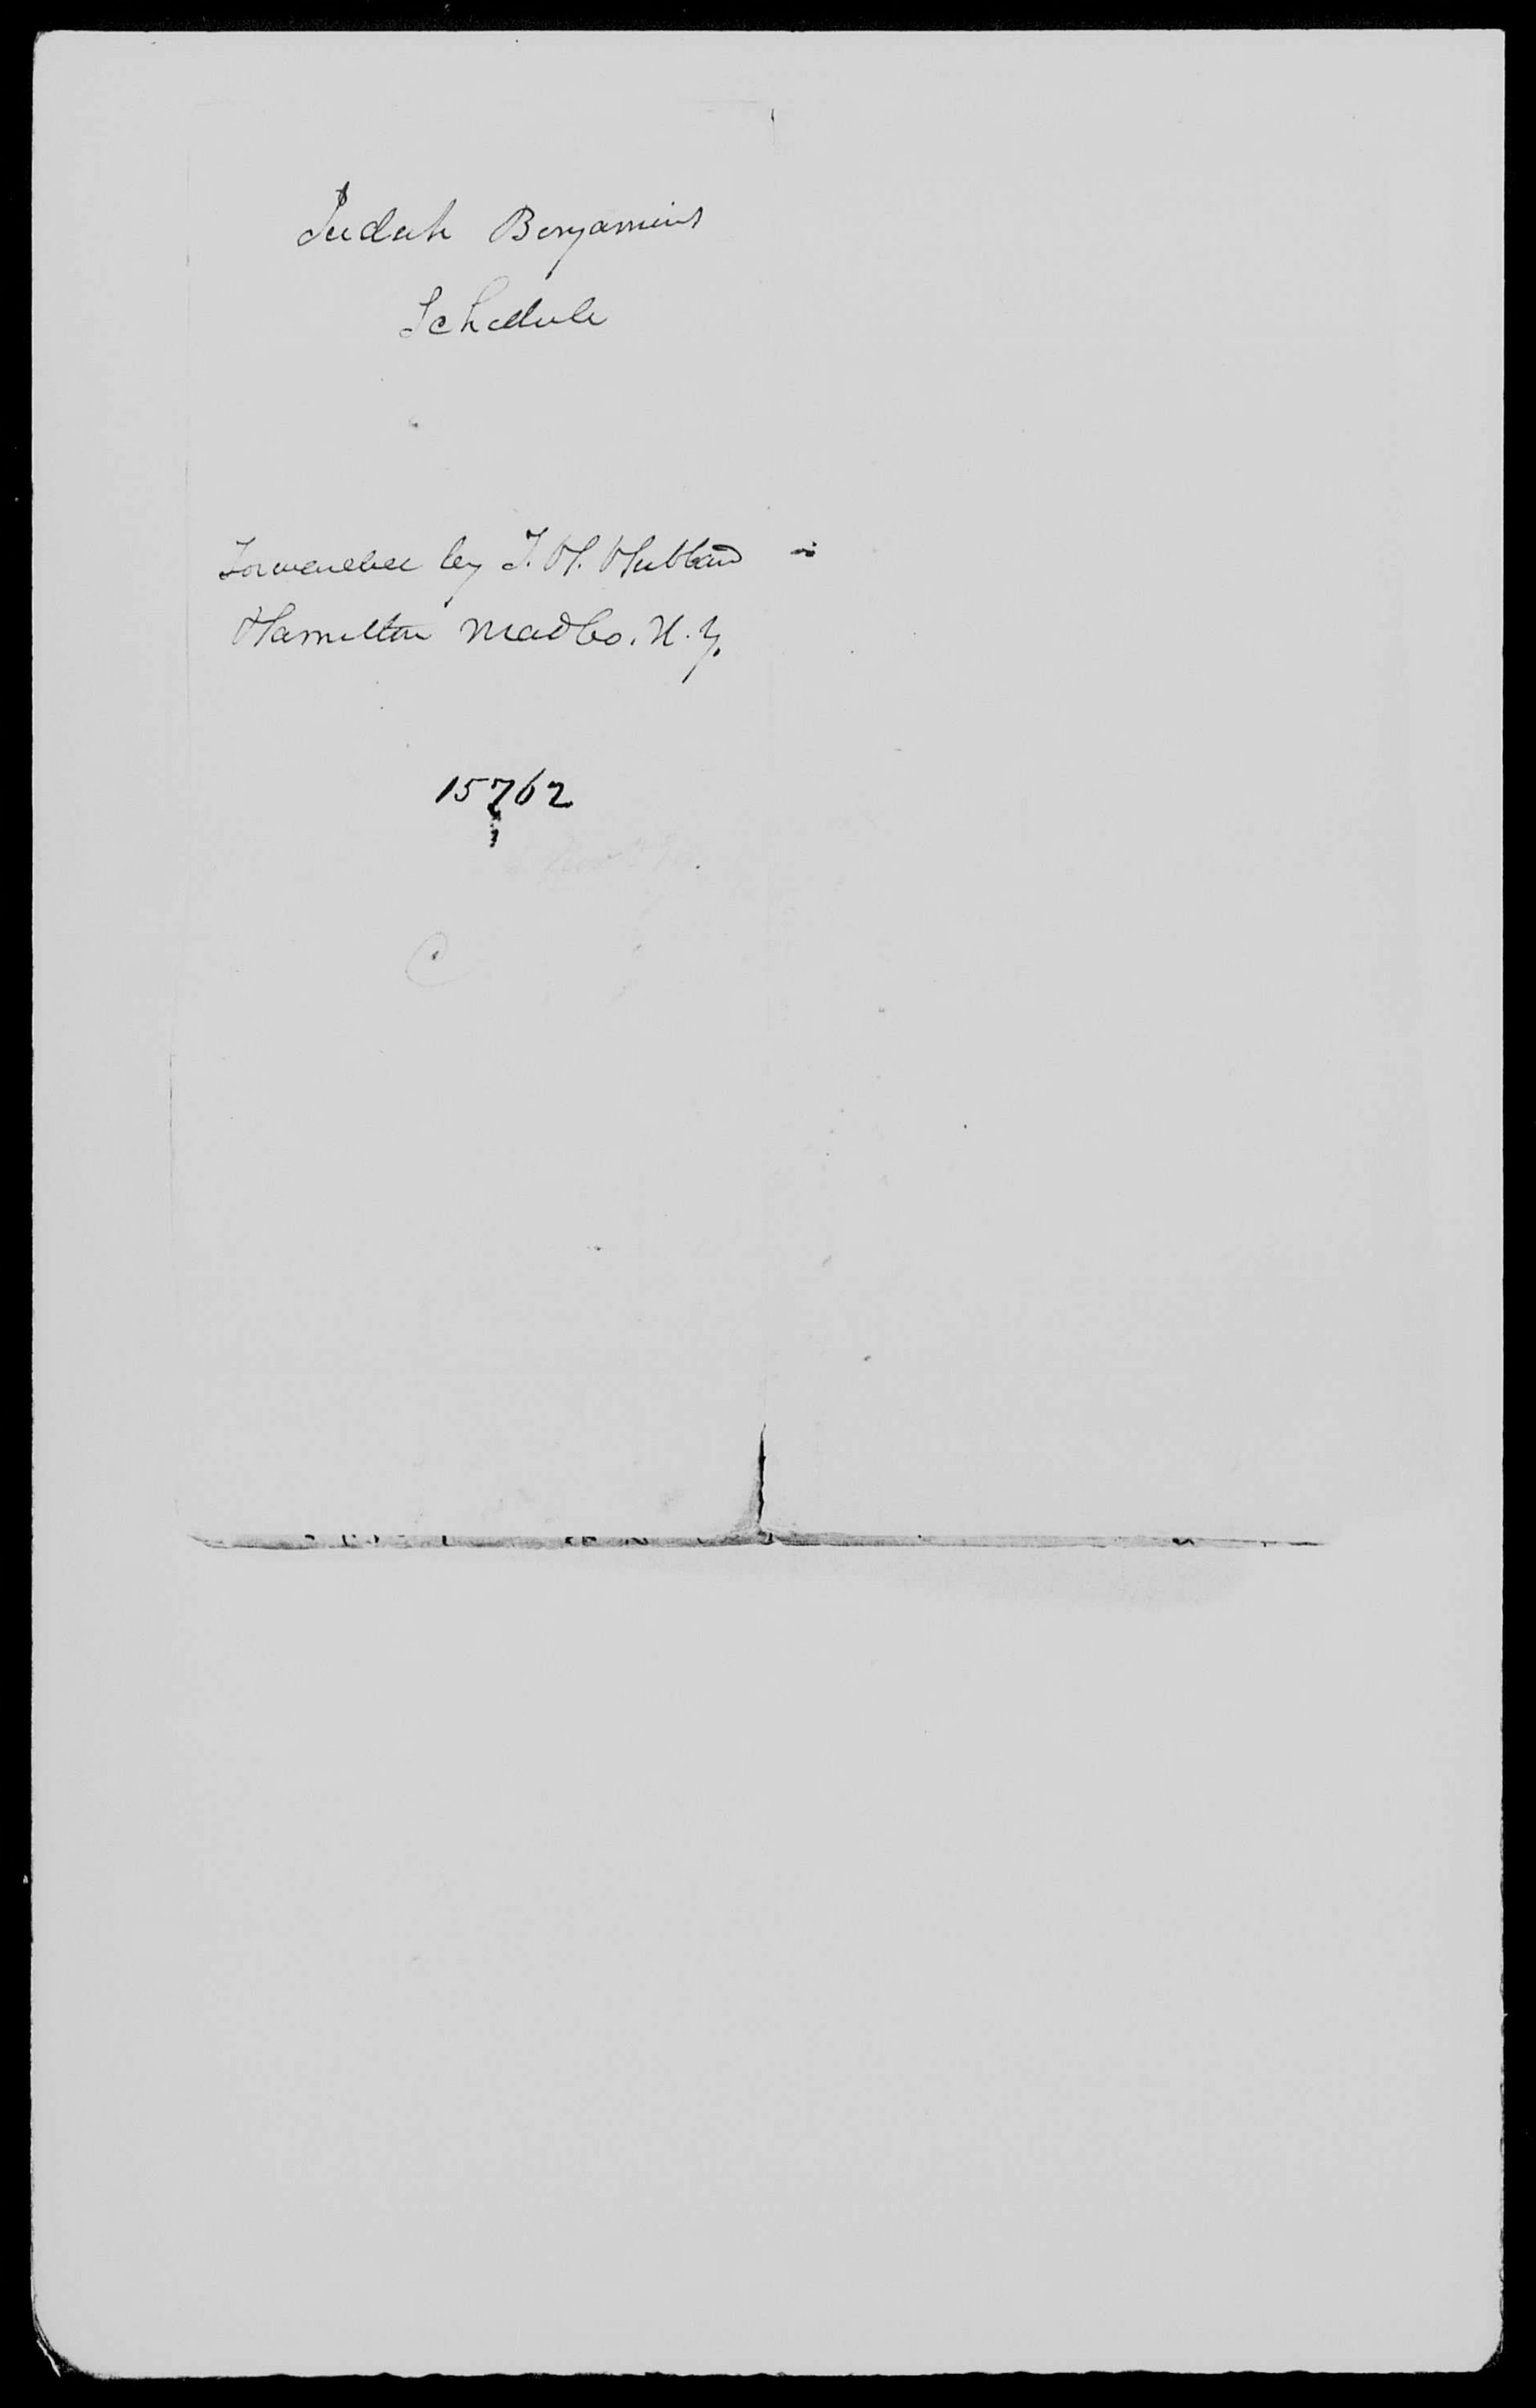Judah Benjamin
Schedule


Forwarded by F. H. Hubbard
Hamilton Mad [Madison] Co N.Y

15762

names: Judah Benjamin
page: 3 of 34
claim: survivor's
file: S. 39981, Judah Benjamin, Continental (N. H. And N. Y.)